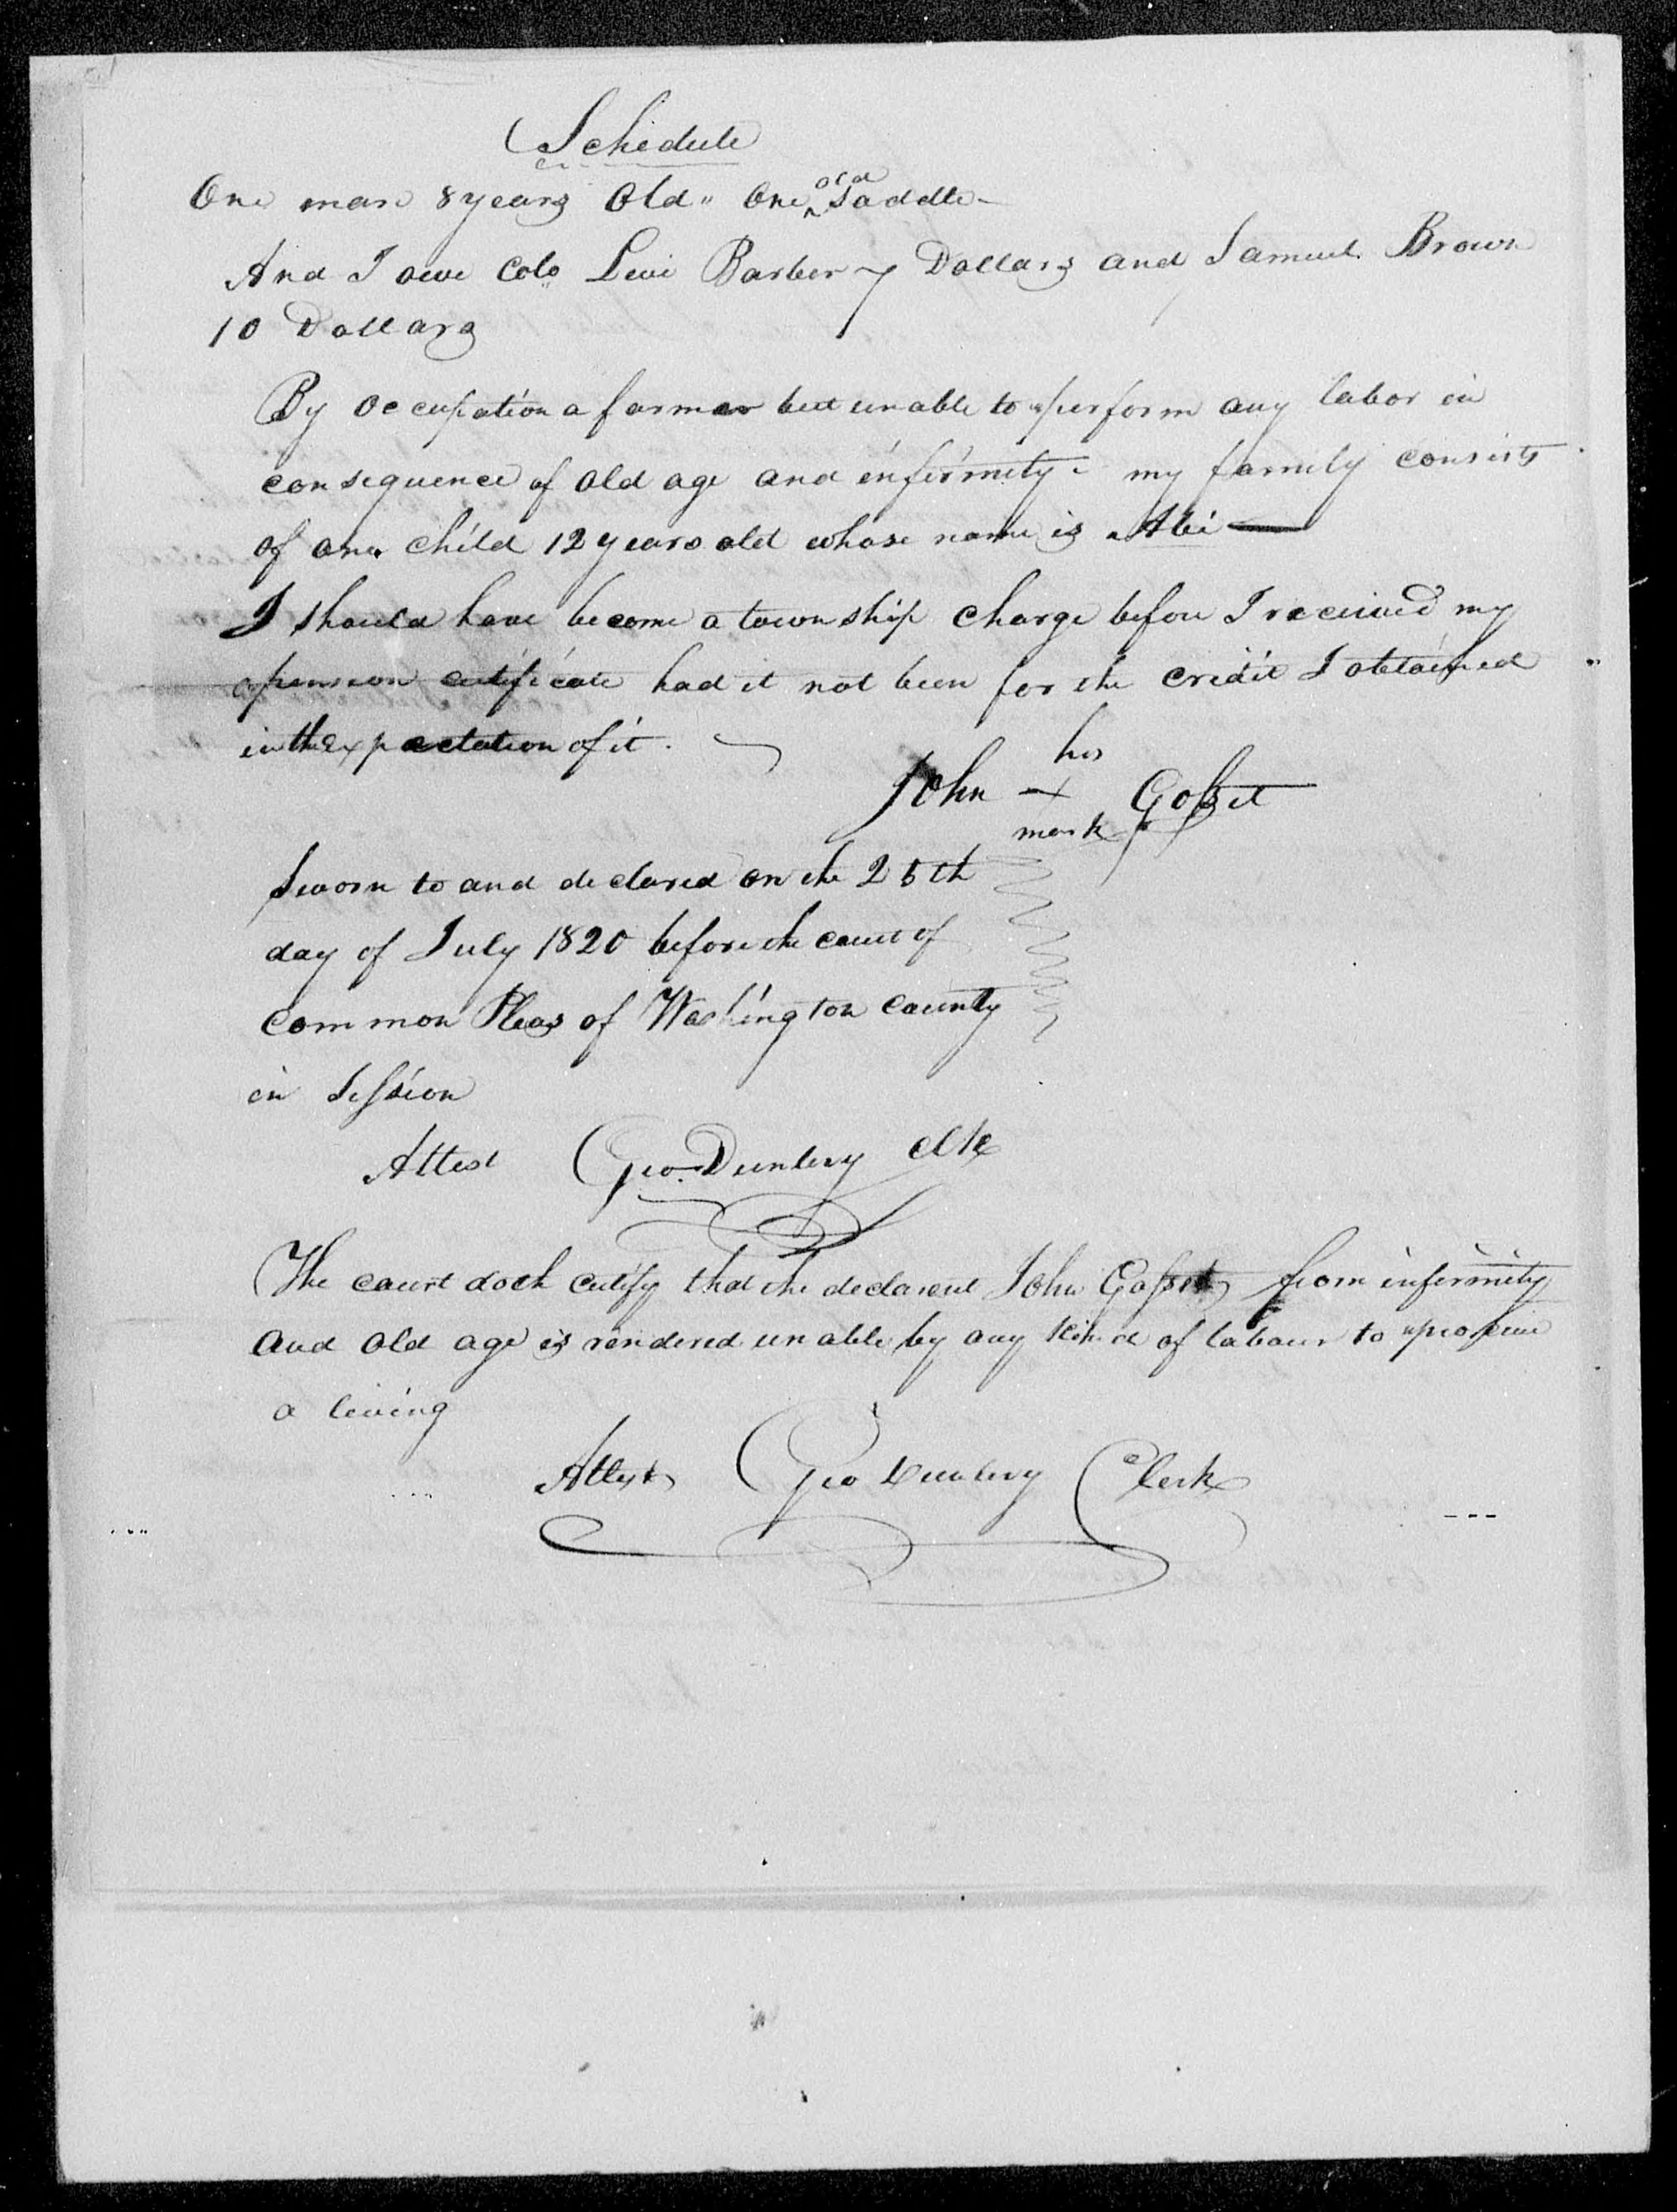[continued from previous]
Schedule [underlined]
One mare 8 years old" One old Saddle.
And I owe Colo [Colonel] Levi Barber 7 Dollars and Samuel Brown 10 Dollars
By occupation a farmer but unable to perform any labor in consequence of old age and infirmity. my family consits of one child 12 years old whose name is Abi -
I should have become a township charge before I received my pension certificate had it not been for the credit I obtained in the expectation of it. ~
John Gosset [signature]
his X mark

Sworn to and declared on the 26th day of July 1820 before the court of Common Pleas of Washington County in Session
Attest Geo. Dunlevy Clk [signature]
The court doth certify that the declarant John Gosset from infirmity and old age is rendered unable by any king of labour to procure a living
Attest Geo. Dunlevy Clerk [signature]
[continued next page]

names: Geo Dunlevy, Levi Barber, John Gosset, John Gosset, Samuel Brown, Geo Dunlevy, Abi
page: 8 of 21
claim: survivor's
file: S. 42,750, John Gosset, Va.